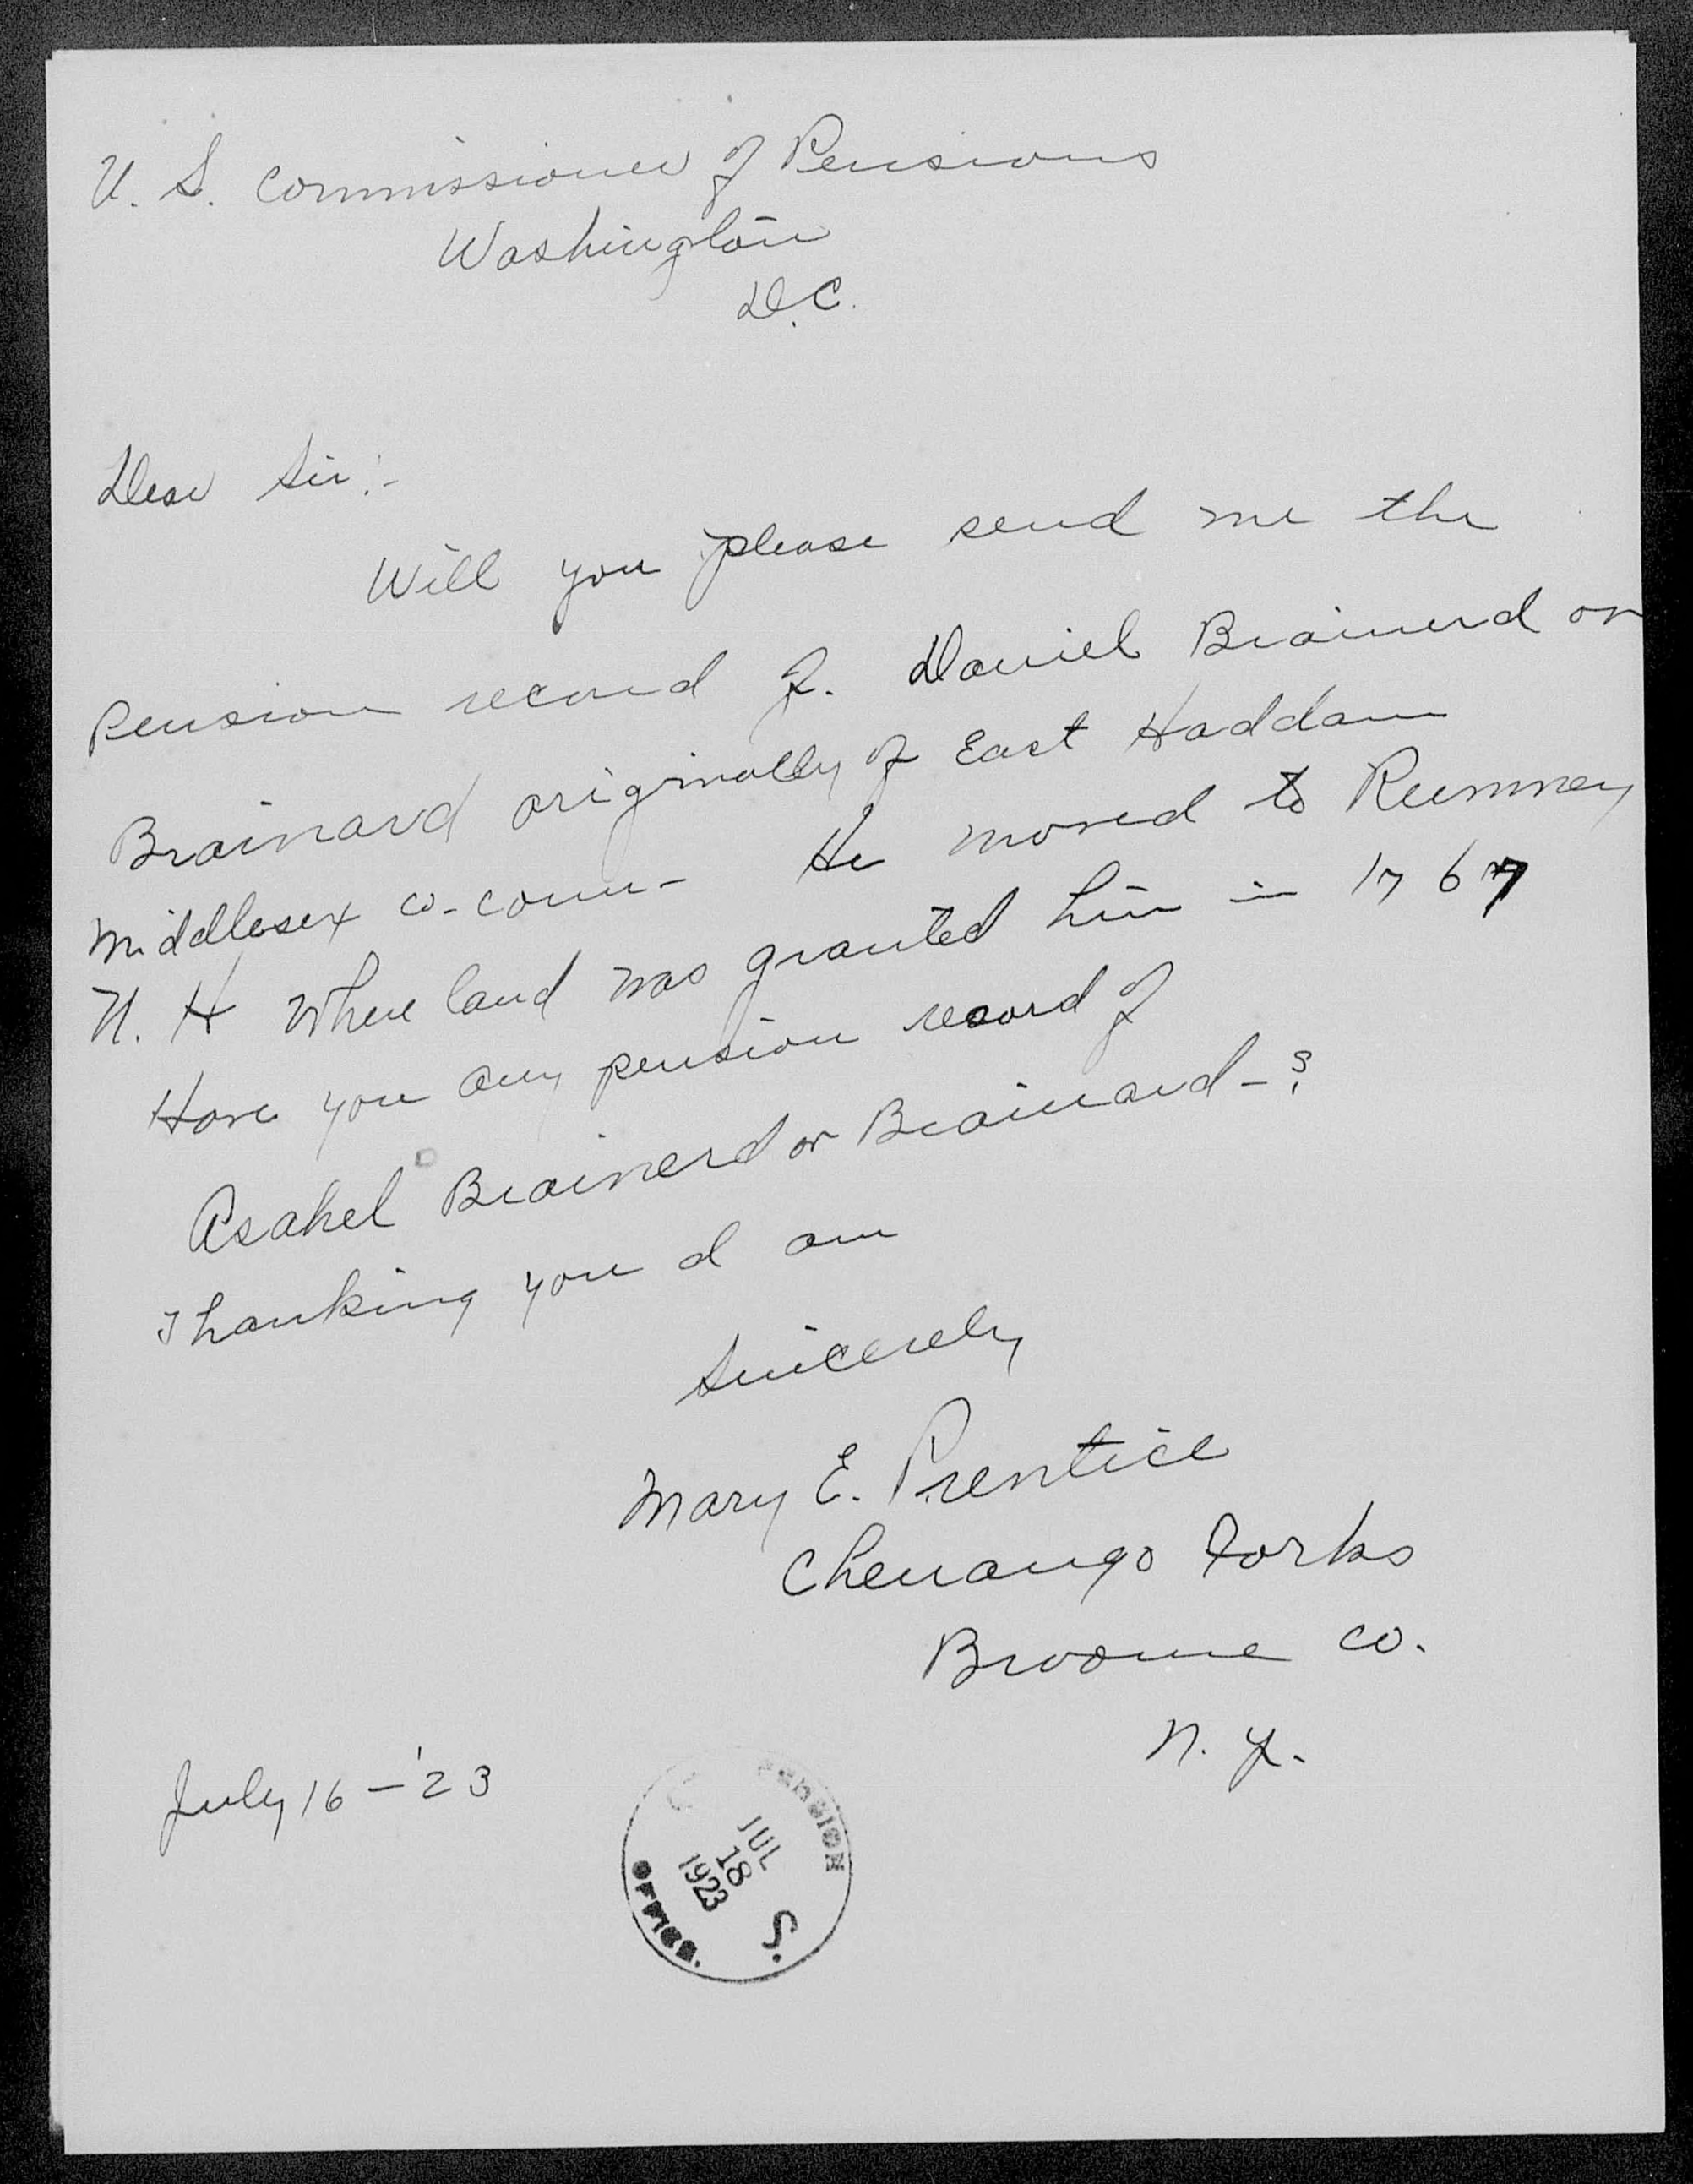U.S. Commisioner of Pensions
Washington DC
Dear Sir:
Will you please send me the pension record of Daniel Brainerd or Brainard originally of East Haddam Middlesex Co. Conn. He moved to Rumney N.H. where land was granted him in 1767
Have you any pension record of Asahel Brainerd of Brainard?
Thanking you I am
Sincerely,
Mary E. Prentice
Chenango Forks
Browne Co.
N.Y.
July 16 - '23
PENSION OFFICE
JULY 18 1923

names: Asahel Brainard, Daniel Brainard, Mary E Prentice, Daniel Brainerd, Asahel Brainerd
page: 24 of 30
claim: survivor's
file: S. 3099, Daniel Brainard, Conn. Privateer